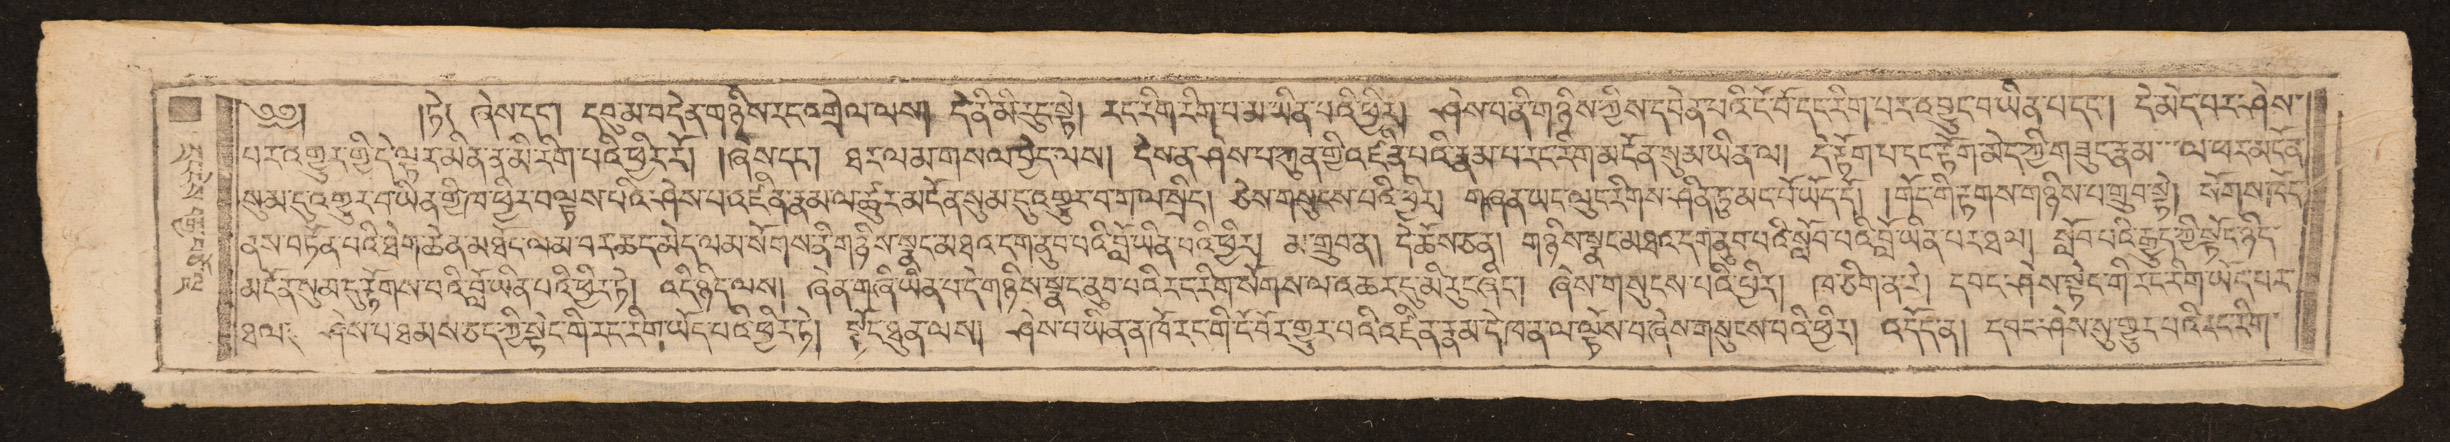༄༅། །ཏེ༑ ཞེས་དང་། དབུ་མ་བདེན་གཉིས་རང་འགྲེལ་ལས། དེ་ནི་མི་རུང་སྟེ། རང་རིག་རིག་པ་མ་ཡིན་པའི་ཕྱིར། ཤེས་པ་ནི་གཉིས་ཀྱིས་དབེན་པའི་ངོ་བོ་དང་རིག་པར་འབྱུང་བ་ཡིན་པ་དང་། དེ་མེད་པར་ཤེས་
པར་འགྱུར་གྱི་དེ་ལྟར་མིན་ན་མི་རིག་པའི་ཕྱིར་རོ། །ཞེས་དང་། ཐར་ལམ་གསལ་བྱེད་ལས། དེས་ན་ཤེས་པ་ཀུན་གྱི་འཛིན་པའི་རྣམ་པ་རང་རིག་མངོན་སུམ་ཡིན་ལ། དེ་རྟོག་པ་དང་རྟོག་མེད་ཀྱི་གཟུང་རྣམ་ལ་ཕར་མངོན་
སུམ་དུ་འགྱུར་བ་ཡིན་གྱི་ཁ་ཕྱིར་བལྟས་པའི་ཤེས་པ་འཛིན་རྣམ་ལ་ཚུར་མངོན་སུམ་དུ་འགྱུར་བ་ག་ལ་སྲིད། ཅེས་གསུངས་པའི་ཕྱིར། གཞན་ཡང་ལུང་རིགས་ཤིན་ཏུ་མང་པོ་ཡོད་དོ། །གོང་གི་རྟགས་གཉིས་པ་གྲུབ་སྟེ། སོགས་ཁོང་
ནས་བཏོན་པའི་ཐེག་ཆེན་མཐོང་ལམ་བར་ཆད་མེད་ལམ་སོགས་ནི་གཉིས་སྣང་མཐའ་དག་ནུབ་པའི་བློ་ཡིན་པའི་ཕྱིར། མ་གྲུབ་ན། དེ་ཆོས་ཅན། གཉིས་སྣང་མཐའ་དག་ནུབ་པའི་སློབ་པའི་བློ་ཡིན་པར་ཐལ། སློབ་པའི་རྒྱུད་ཀྱི་སྟོང་ཉིད་
མངོན་སུམ་དུ་རྟོགས་པའི་བློ་ཡིན་པའི་ཕྱིར་ཏེ། འདི་ཉིད་ལས། ཞེན་གཞི་ཡིན་པ་དེ་གཉིས་སྣང་ནུབ་པའི་རང་རིག་སོགས་ལ་འཆར་དུ་མི་རུང་ཞིང་། ཞེས་གསུངས་པའི་ཕྱིར། ཁ་ཅིག་ན་རེ། དབང་ཤེས་སྟེང་གི་རང་རིག་ཡོད་པར་
ཐལ༑ ཤེས་པ་ཐམས་ཅད་ཀྱི་སྟེང་གི་རང་རིག་ཡོད་པའི་ཕྱིར་ཏེ། སྟོང་ཐུན་ལས། ཤེས་པ་ཡིན་ན་ཁོ་རང་གི་ངོ་བོར་གྱུར་པའི་འཛིན་རྣམ་དེ་ཁོ་ན་ལ་ལྟོས་པ་ཞེས་གསུངས་པའི་ཕྱིར། འདོད་ན། དབང་ཤེས་སུ་གྱུར་པའི་རང་རིག་